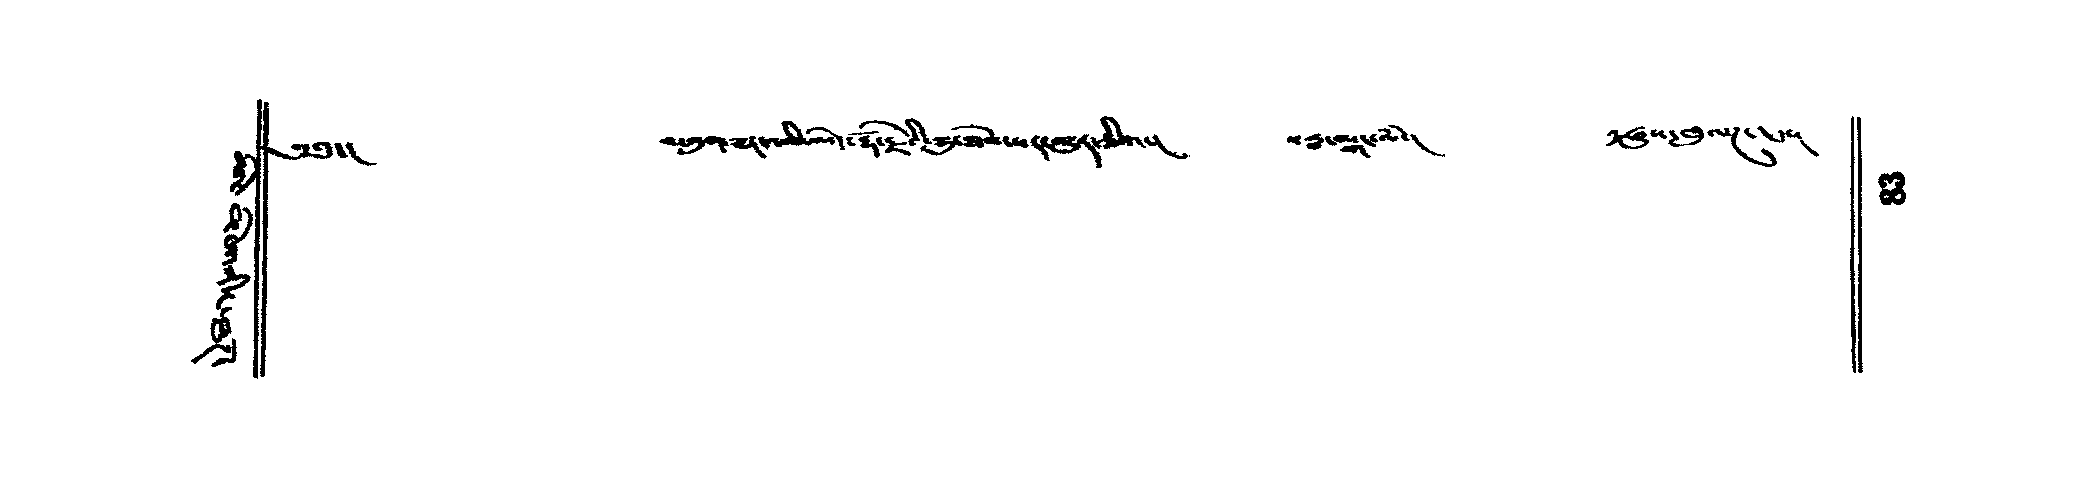བ་ཀུན་ཡང་འཆི་མེད་རྡོ་རྗེའི་སྐུ་ཐོབ་པར་གྱུར་ཅིག། སརྦ་མངྒ་ལཾ།།